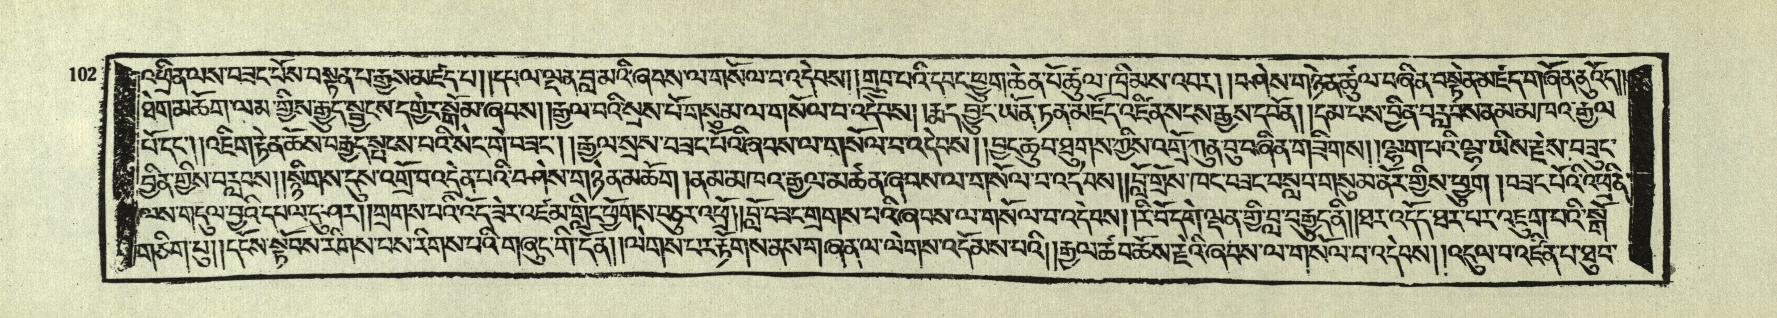འཕྲིན་ལས་བཟང་པོས་བསྟན་པ་རྒྱས་མཛད་པ། །དཔལ་ལྡན་བླ་མའི་ཞབས་ལ་གསོལ་བ་འདེབས། །གྲུབ་པའི་དབང་ཕྱུག་ཆེན་པོ་ཚུལ་ཁྲིམས་འབར། །བཤེས་གཉེན་ཚུལ་བཞིན་བསྟེན་མཛད་གཞོན་ནུ་འོད།།
ཐེག་མཆོག་ལམ་གྱིས་རྒྱུད་སྦྱངས་དགྱེར་སྒོམ་ཞབས། །རྒྱལ་བའི་སྲས་པོ་གསུམ་ལ་གསོལ་བ་འདེབས། །རྨད་བྱུང་ཡོན་ཏན་མཛོད་འཛིན་སངས་རྒྱས་དབོན། །དམ་པས་བྱིན་བརླབས་ནམ་མཁའ་རྒྱལ་
པོ་དང་། །འཇིག་རྟེན་ཆོས་བརྒྱད་སྤངས་པའི་སེང་གེ་བཟང་། །རྒྱལ་སྲས་བཟང་པོའི་ཞབས་ལ་གསོལ་བ་འདེབས། །བྱང་ཆུབ་ཐུགས་ཀྱིས་འགྲོ་ཀུན་བུ་བཞིན་གཟིགས། །ལྷག་པའི་ལྷ་ཡིས་རྗེས་བཟུང་
བྱིན་གྱིས་བརླབས། །སྙིགས་དུས་འགྲོ་བ་འདྲེན་པའི་བཤེས་གཉེན་མཆོག །ནམ་མཁའ་རྒྱལ་མཚན་ཞབས་ལ་གསོལ་བ་འདེབས། །བློ་གྲོས་ཁང་བཟང་བསླབ་གསུམ་ནོར་གྱིས་ཕྱུག །བཟང་པོའི་འཕྲིན་
ལས་གདུལ་བྱའི་དཔལ་དུ་ཤར། །གྲགས་པའི་འོད་ཟེར་འཛམ་གླིང་ཕྱོགས་བཅུར་འཕྲོ། །བློ་བཟང་གྲགས་པའི་ཞབས་ལ་གསོལ་བ་འདེབས། །རི་བོ་དགེ་ལྡན་གྱི་བླ་བརྒྱུད་ནི། །ཐར་འདོད་ཐར་པར་འཇུག་པའི་སྒོ་
གཅིག་པུ། །དངོས་སྟོབས་རིགས་པས་རིགས་པའི་གཞུང་གི་དོན། །ལེགས་པར་རྟོགས་ནས་གཞན་ལ་ལེགས་འདོམས་པའི། །རྒྱལ་ཚབ་ཆོས་རྗེའི་ཞབས་ལ་གསོལ་བ་འདེབས། །འདུལ་བ་འཛིན་པ་ཐུབ་